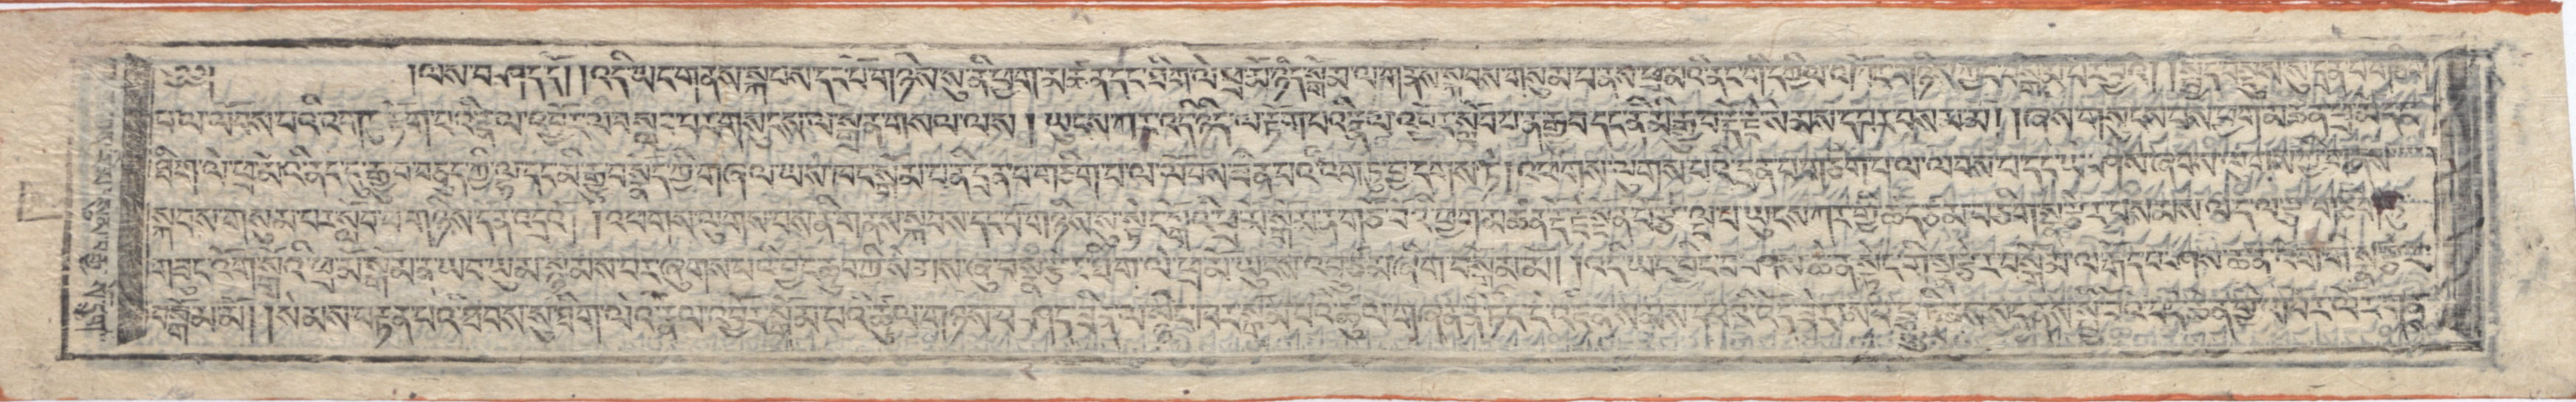༄༅། །ལས་བཤད་དོ། །འདི་ཡང་གནས་སྐབས་དང་པོ་གཉིས་སུ་ནི་ཕྱག་མཚན་དང་ཐིག་ལེ་ཕྲ་མོ་ཉིད་སྒོམ་ལ་གནས་སྐབས་གསུམ་པ་ནས་ཕྲ་མའི་ནང་གི་དཀྱིལ་འཁོར་གཉིས་ཀྱང་བསྒོམ་པར་བྱའོ། །སྤྱོད་བསྡུས་སུ་དྲན་པ་གཅིག་
པ་ལ་ལོབས་པའི་འོག་ཏུ་རྟོག་པའི་རྣལ་འབྱོར་ལ་བསླབ་པར་གསུངས་ལ་སྒྲོན་གསལ་ལས། ཡུངས་ཀར་འདི་ཉིད་ལ་རྟོག་པའི་རྣལ་འབྱོར་སློབ་པ་ན་རྒྱུབ་དང་ནི་མི་རྒྱུ་བ་རྡོ་རྗེ་སེམས་དཔར་བསམ་མོ། །ཞེས་གསུངས་པས་ཕྱག་མཚན་ཕྲ་མོ་དང་
ཐིག་ལེ་ཕྲ་མོའི་ནང་དུ་རྒྱུ་བ་བཅུད་ཀྱི་ལྷ་དང་མི་རྒྱུ་བ་སྣོད་ཀྱི་གཞལ་ཡས་ཁང་སྒོམ་པ་ནི་དྲན་པ་གཅིག་པ་ལ་ལོབས་ཟིན་པའི་འོག་ཏུ་བྱ་དགས་ཏེ། འཕགས་ལུགས་པའི་དྲན་པ་གཅིག་པ་ལ་ལོབས་པ་དང་ཡེ་ཤེས་ཞབས་ལུགས་ཀྱི་གནས་
སྐབས་གསུམ་པར་སློབ་པ་གཉིས་དོན་འདྲའོ། །འཕགས་ལུགས་པས་ནི་གནས་སྐབས་དང་པོ་གཉིས་སུ་སྟེང་སྒོའི་ཕྲ་མོ་སྒོམ་ན་གཙོ་བོའི་ཕྱག་མཚན་རྡོ་རྗེ་སྔོན་པོ་རྩེ་ལྔ་པ་ཡུངས་ཀར་གྱི་ཚད་ཙམ་པ་ཅིག་སྣ་རྩེར་བསམས་ལ་དེ་ལ་རྩ་གཅིག་
གཟུང་འོག་སྒོའི་ཕྲ་མོ་སྒོམ་ན་ཡབ་ཡུམ་སྙོམས་པར་ཞུགས་པའི་བྱང་ཆུབ་ཀྱི་སེམས་ཞུ་བ་སྣ་རྩེར་ཐིག་ལེ་ཕྲ་མོ་ཡུངས་འབྲུ་ཙམ་ཞིག་བསྒོམ་མོ། །འདི་ཡང་བྱིང་བ་ཤས་ཆེ་ན་སྟེང་གི་སྣ་རྩེར་བསྒོམ་ལ་རྒོད་པ་ཤས་ཆ་ན་འོག་གི་སྣ་རྩེར་
བསྒོམ་མོ། །སེམས་བརྟན་པའི་ཐབས་སུ་ཐིག་ལེའི་རྣལ་འབྱོར་སྒོམ་པའི་ཚུལ་གཉིས་བཤད་ཟིན་ལ་སྙིང་ཁར་སྒོམ་པའི་ཚུལ་གཞན་ནི་ཏིང་ངེ་འཛིན་སེམས་དཔའི་འོད་ཟེར་ཨ་བ་དྷཱུ་ཏཱི་ནས་སང་ནས་སྤྱི་བོའི་བདེ་ཆེན་གྱི་འཁོར་ལོར་གནས་